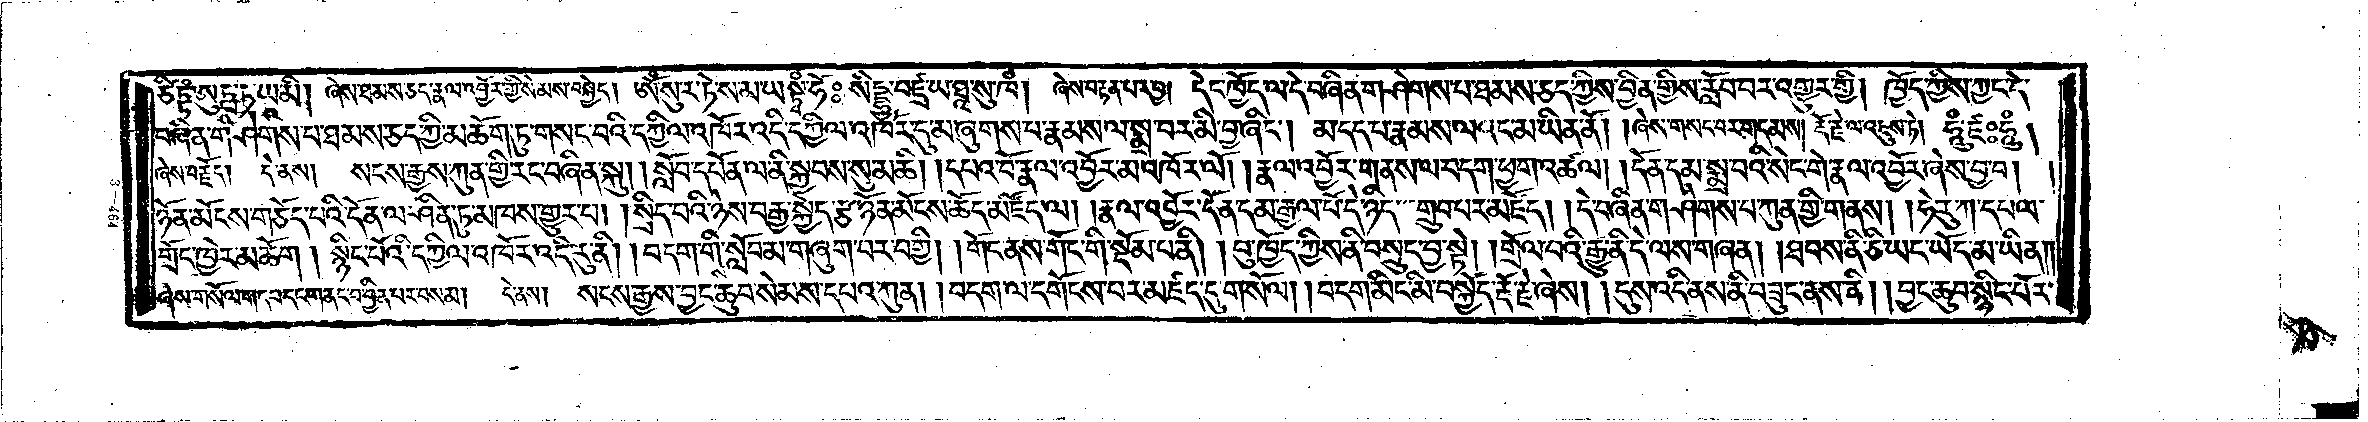ཙིཏྟཾ་ཨུཏྦཱ་ཏ་ཡཱ་མི། ཞེས་ཐམས་ཅད་རྣལ་འབྱོར་གྱི་སེམས་བསྐྱེད།  ཨོཾ་སུ་ར་ཏེ་ས་མ་ཡསྟྭཾ་ཧོཿསིདྡྷྱ་བཛྲ་ཡ་ཐཱ་སུ་ཁཾ། ཞེས་བརྟན་པར་བྱ།  དེང་ཁྱོད་ལ་དེ་བཞིན་གཤེགས་པ་ཐམས་ཅད་ཀྱིས་བྱིན་གྱིས་རློབ་བར་འགྱུར་གྱི། ཁྱོད་ཀྱིས་ཀྱང་དེ་
བཞིན་གཤེགས་པ་ཐམས་ཅད་ཀྱི་མཆོག་ཏུ་གསང་བའི་དཀྱིལ་འཁོར་འདི་དཀྱིལ་འཁོར་དུ་མ་ཞུགས་པ་རྣམས་ལ་སྨྲ་བར་མི་བྱ་ཞིང་། མ་དད་པ་རྣམས་ལའང་མ་ཡིན་ནོ། །ཞེས་གསང་བར་གདམས། རྡོ་རྗེ་ལ་འཇུས་ཏེ།  ཧཱུཾ་ཛཿཧཱུཾ།
ཞེས་བརྗོད། དེ་ནས།  སངས་རྒྱས་ཀུན་གྱི་རང་བཞིན་སྐུ། །སློབ་དཔོན་ལ་ནི་སྐྱབས་སུ་མཆི། །དཔའ་བོ་རྣལ་འབྱོར་མ་འཁོར་ལོ། །རྣལ་འབྱོར་གནས་ལ་བདག་ཕྱག་འཚལ། །དོན་དམ་སྨྲ་བའི་སེང་གེ་རྣལ་འབྱོར་ཞེས་བྱ་བ། །
ཉོན་མོངས་གཅོད་པའི་དོན་ལ་ཤིན་ཏུ་མཁས་གྱུར་པ། །སྲིད་པའི་ཉེས་བརྒྱ་སྐྱེད་རྩ་ཉོན་མོངས་ཆོད་མཛོད་ལ། །རྣལ་འབྱོར་དོན་དམ་རྒྱལ་པོ་དེ་ཉིད་གྲུབ་པར་མཛོད། །དེ་བཞིན་གཤེགས་པ་ཀུན་གྱི་གནས། །ཧེ་རུ་ཀ་དཔལ་
གྲོང་ཁྱེར་མཆོག །སྙིང་པོའི་དཀྱིལ་འཁོར་འདི་རུ་ནི། །བདག་གིས་སློབ་མ་གཞུག་པར་བགྱི། །གོང་ནས་གོང་གི་སྡོམ་པ་ནི། །བུ་ཁྱོད་ཀྱིས་ནི་བསྲུང་བྱ་སྟེ། །གྲོལ་བའི་རྒྱུ་ནི་དེ་ལས་གཞན། །ཐབས་ནི་ཅི་ཡང་ཡོད་མ་ཡིན།།
ཞེས་གསོལ་གདབ་དང་གནང་བ་བྱིན་པར་བསམ། དེ་ནས།  སངས་རྒྱས་བྱང་ཆུབ་སེམས་དཔའ་ཀུན། །བདག་ལ་དགོངས་པར་མཛད་དུ་གསོལ། །བདག་མིང་མི་བསྐྱོད་རྡོ་རྗེ་ཞེས། །དུས་འདི་ནས་ནི་བཟུང་ནས་ནི། །བྱང་ཆུབ་སྙིང་པོར་